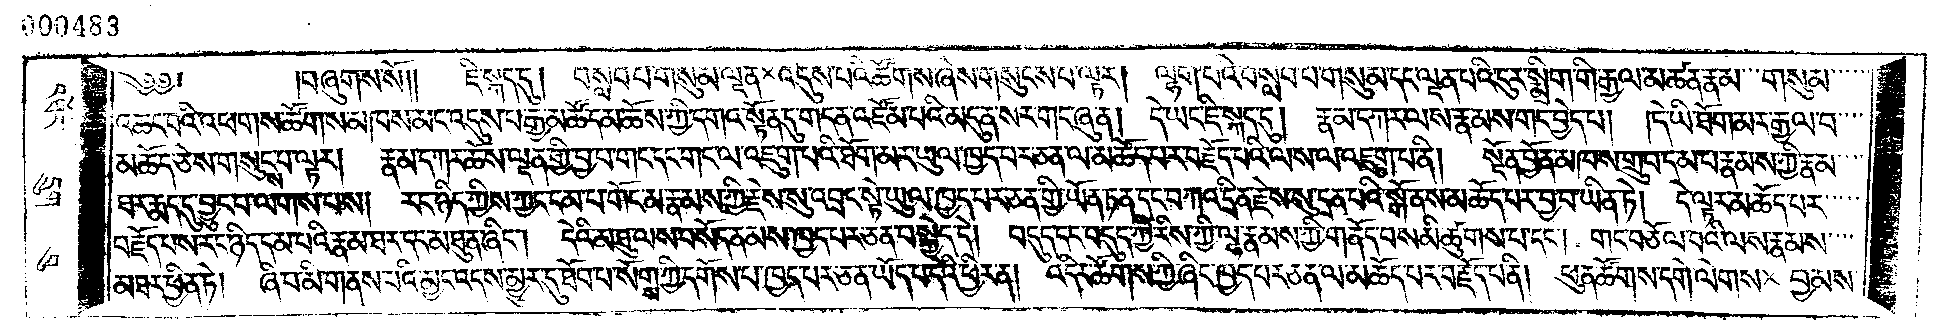༄༅། །བཞུགས་སོ།། ཇི་སྐད་དུ། བསླབ་པ་གསུམ་ལྡན྾་འདུས་པའི་ཚོགས་ཞེས་གསུངས་པ་ལྟར། ལྷག་པའི་བསླབ་པ་གསུམ་དང་ལྡན་པའི་ངུར་སྨྲིག་གི་རྒྱལ་མཚན་རྣམ་གསུམ་
འཆང་བའི་འཕགས་ཚོགས་མཁས་མང་འདུས་པ་རྒྱ་མཚོ་དམ་ཆོས་ཀྱི་དགའ་སྟོན་དུ་གདན་འཛོམ་པའི་མདུན་སར་གང་ཞུ་ན། དེ་ཡང་ཇི་སྐད་དུ། རྣམ་དཀར་ལས་རྣམས་གང་བྱེད་པ། །དེ་ཡི་ཐོག་མར་རྒྱལ་བ་
མཆོད་ཅེས་གསུངས་པ་ལྟར། རྣམ་དཀར་ཆོས་ལྡན་གྱི་བྱ་བ་གང་དང་གང་ལ་འཇུག་པའི་ཐོག་མར་ཡུལ་ཁྱད་པར་ཅན་ལ་མཆོད་པར་བརྗོད་པའི་ལས་ལ་འཇུག་པ་ནི། སྔོན་བྱོན་མཁས་གྲུབ་དམ་པ་རྣམས་ཀྱི་རྣམ་
ཐར་རྨད་དུ་བྱུང་བ་ལགས་པས། རང་ཉིད་ཀྱིས་ཀྱང་དམ་པ་གོང་མ་རྣམས་ཀྱི་རྗེས་སུ་འབྲང་སྟེ་ཡུལ་ཁྱད་པར་ཅན་གྱི་ཡོན་ཏན་དང་བཀའ་དྲིན་རྗེས་སུ་དྲན་པའི་སྒོ་ནས་མཆོད་པར་བྱ་བ་ཡིན་ཏེ། དེ་ལྟར་མཆོད་པར་
བརྗོད་པས་རང་ཉིད་དམ་པའི་རྣམ་ཐར་དང་མཐུན་ཞིང་། དེའི་མཐུ་ལས་བསོད་ནམས་ཁྱད་པར་ཅན་བསྐྱེད་དེ། བདུད་དང་བདུད་ཀྱི་རིས་ཀྱི་ལྷ་རྣམས་ཀྱི་གནོད་པས་མི་ཚུགས་པ་དང་། གང་བཅོལ་བའི་ལས་རྣམས་
མཐར་ཕྱིན་ཏེ། ཞི་བ་མི་གནས་པའི་མྱང་འདས་མྱུར་དུ་ཐོབ་པ་སོགས་ཀྱི་དགོས་པ་ཁྱད་པར་ཅན་ཡོད་པ་དེའི་ཕྱིར་ན། འདིར་ཚོགས་ཀྱི་ཞིང་ཁྱད་པར་ཅན་ལ་མཆོད་པར་བརྗོད་པ་ནི། ཕུན་ཚོགས་དགེ་ལེགས྾་བྱམས་